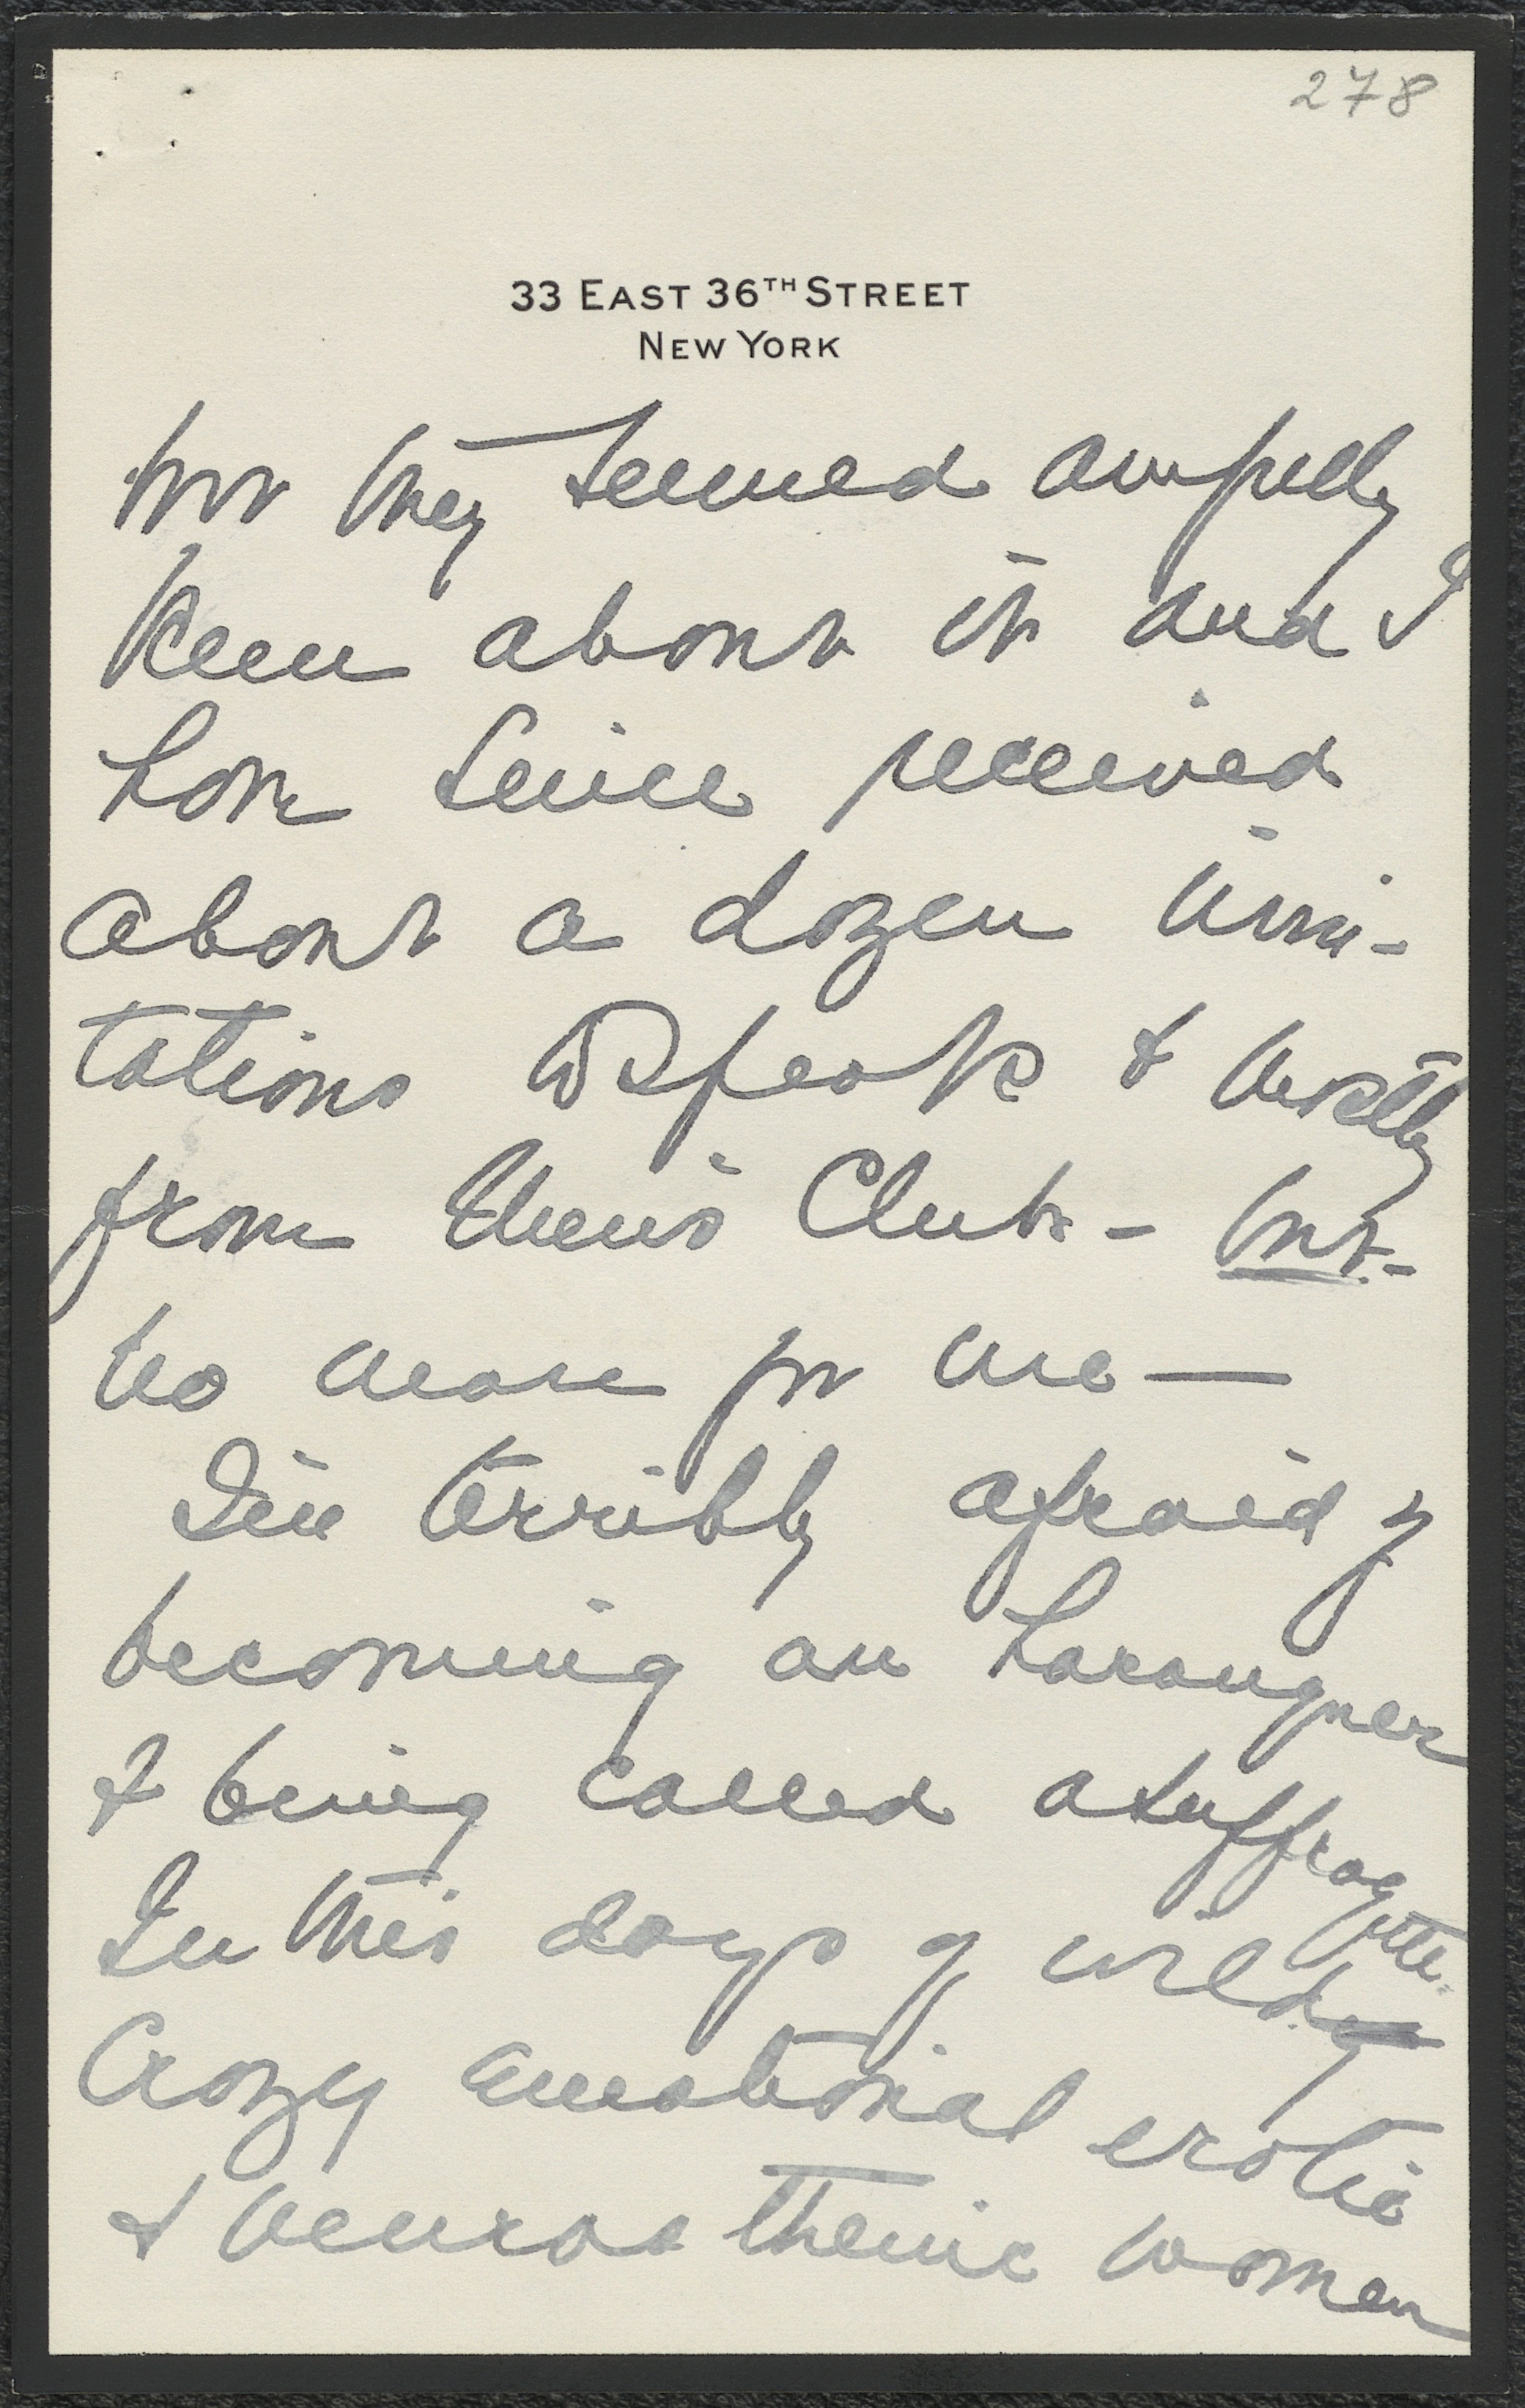but they seemed awfully keen about it and I have since received about a dozen invitations to speak & mostly from Men’s Clubs – but – no more for me –
I’m terribly afraid of becoming an haranguer & being called a suffragette. In this days of wildly crazy emotional erotic & neurasthenic women